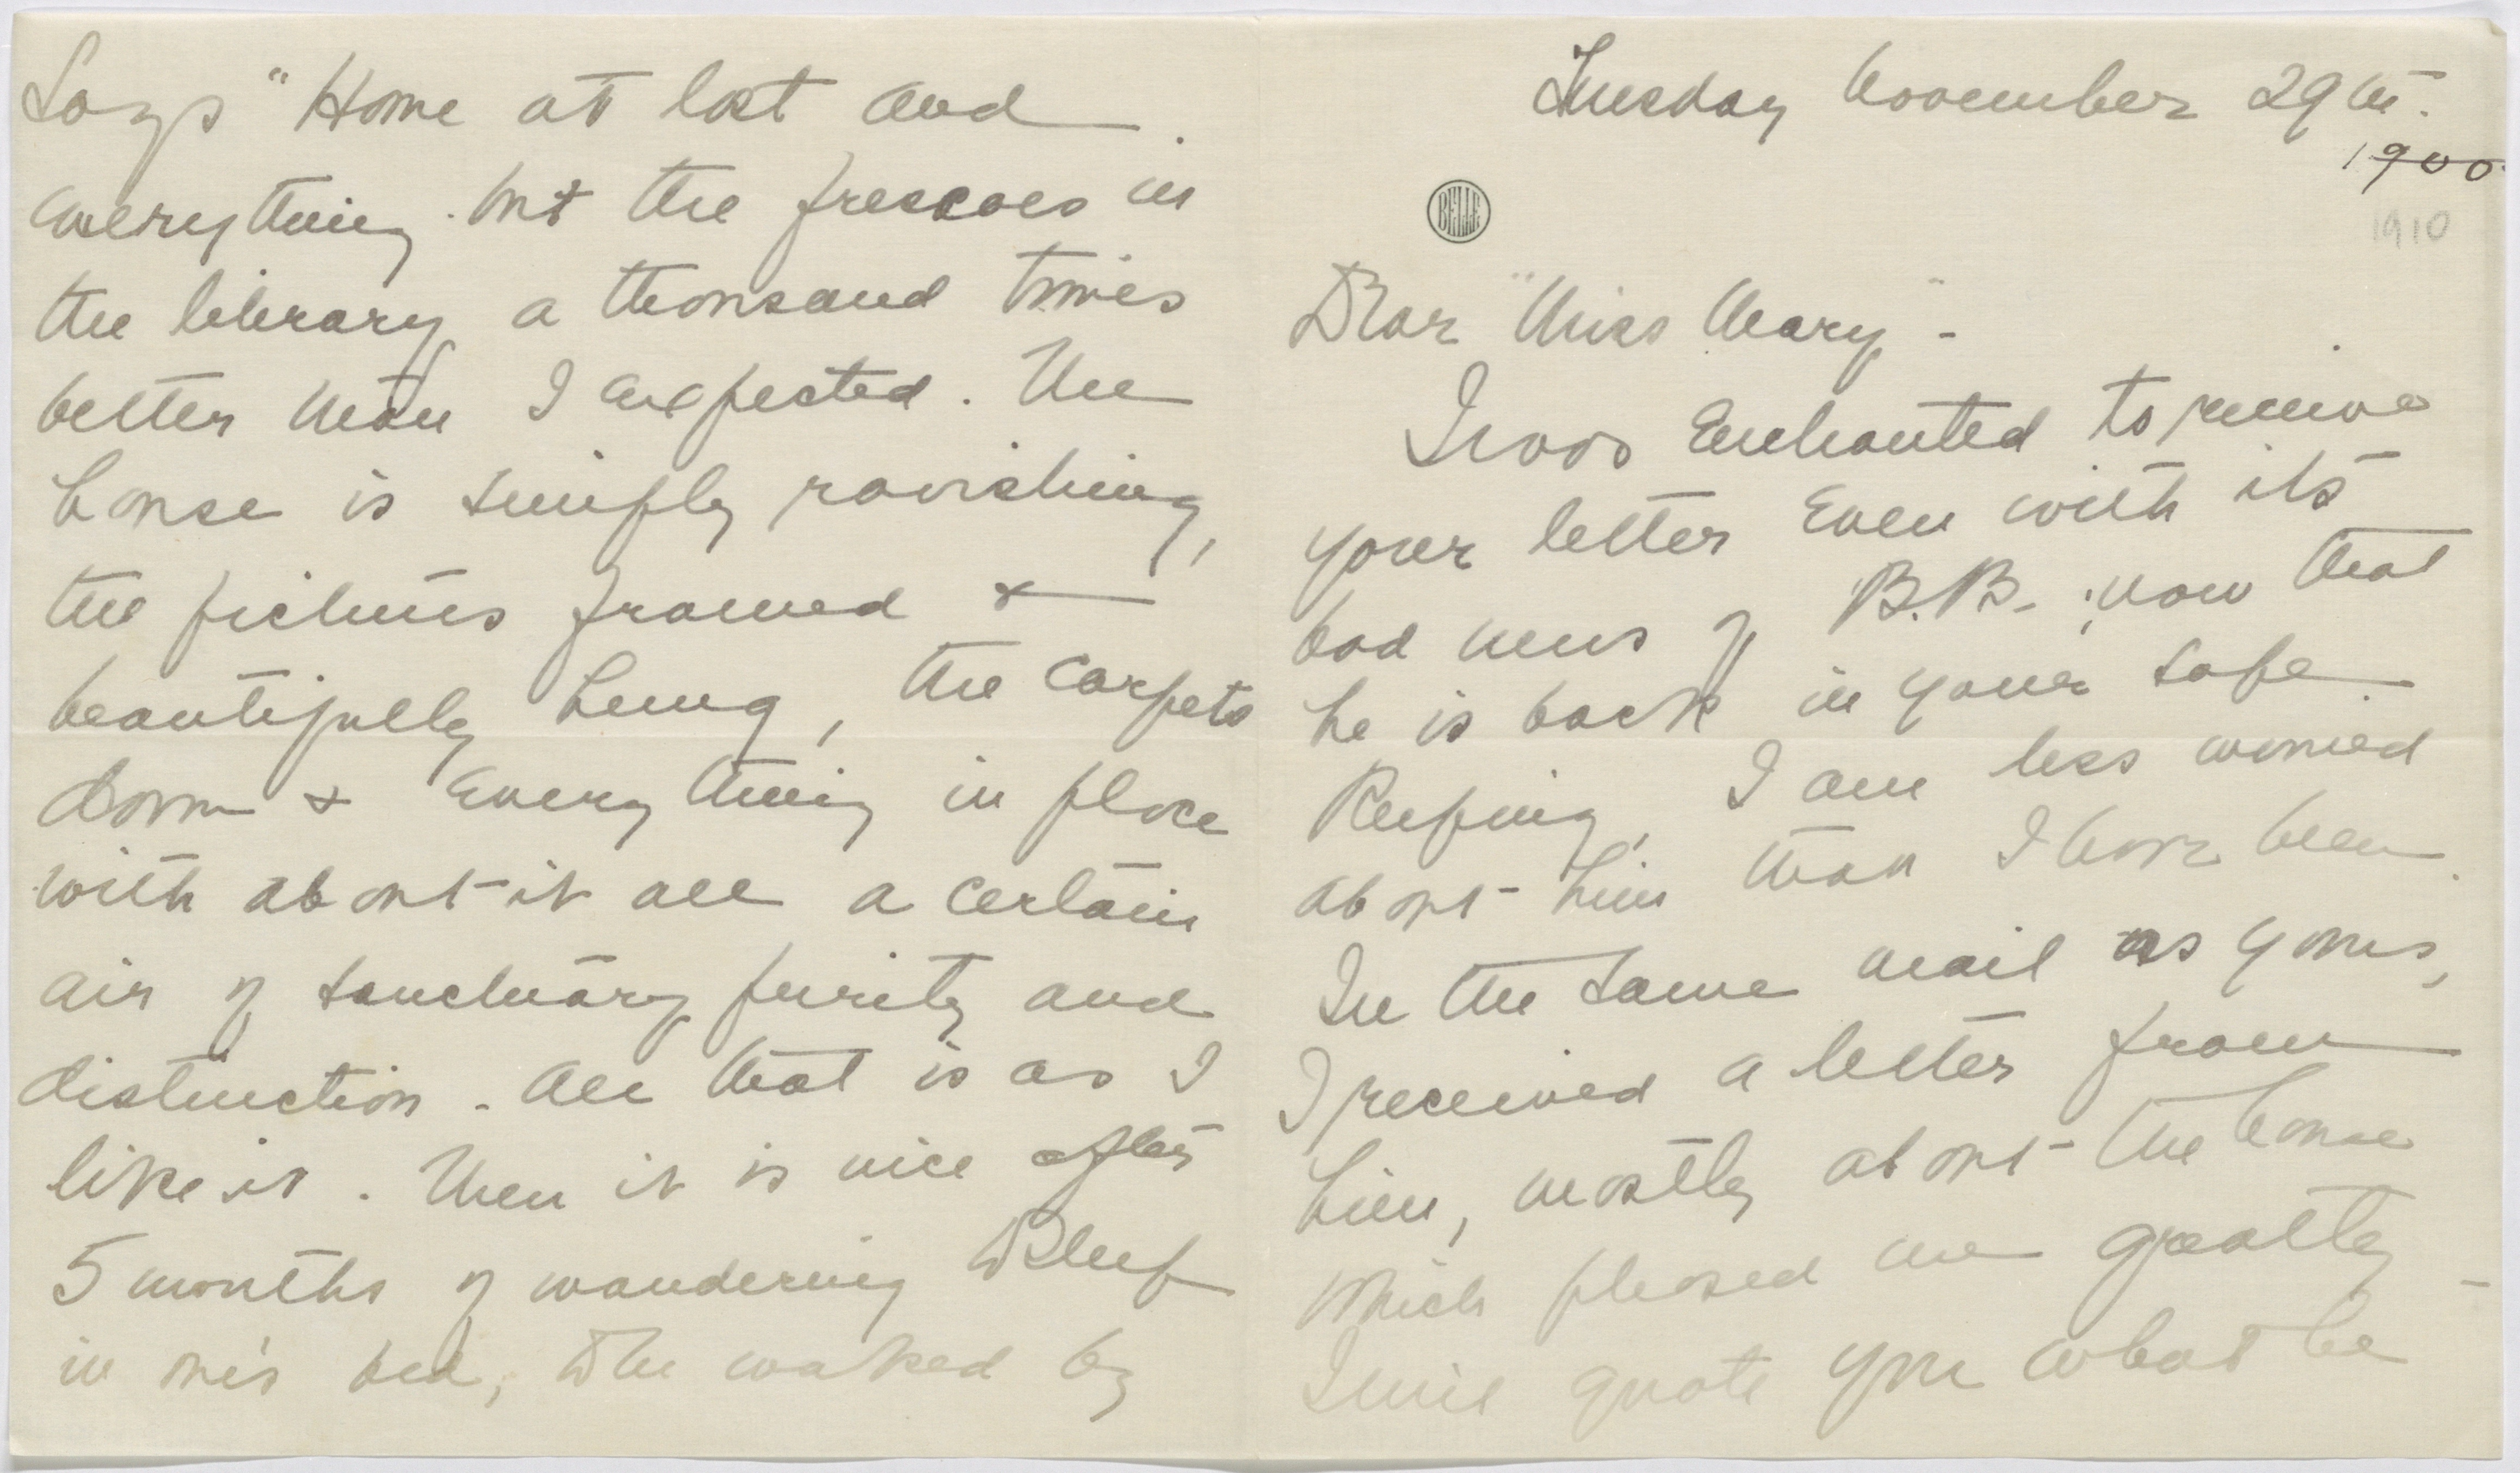Tuesday November 29th.
Dear “Miss Mary” –
I was enchanted to receive your letter even with its bad news of B. B.; now that he is back in your safe keeping I am less worried about him than I have been.
In the same mail as yours, I received a letter from him, mostly about the house which please me greatly – I will quote you what he
says “Home at last and everything but the frescoes in the library a thousand times better than I expected. The house is simply ravishing, the pictures framed & beautifully hung, the carpets down & every thing in place with about it all a certain air of sanctuary purity and distinction – All that is as I like it. Then it is nice after 5 months of wandering to sleep in one’s bed, to be waked by